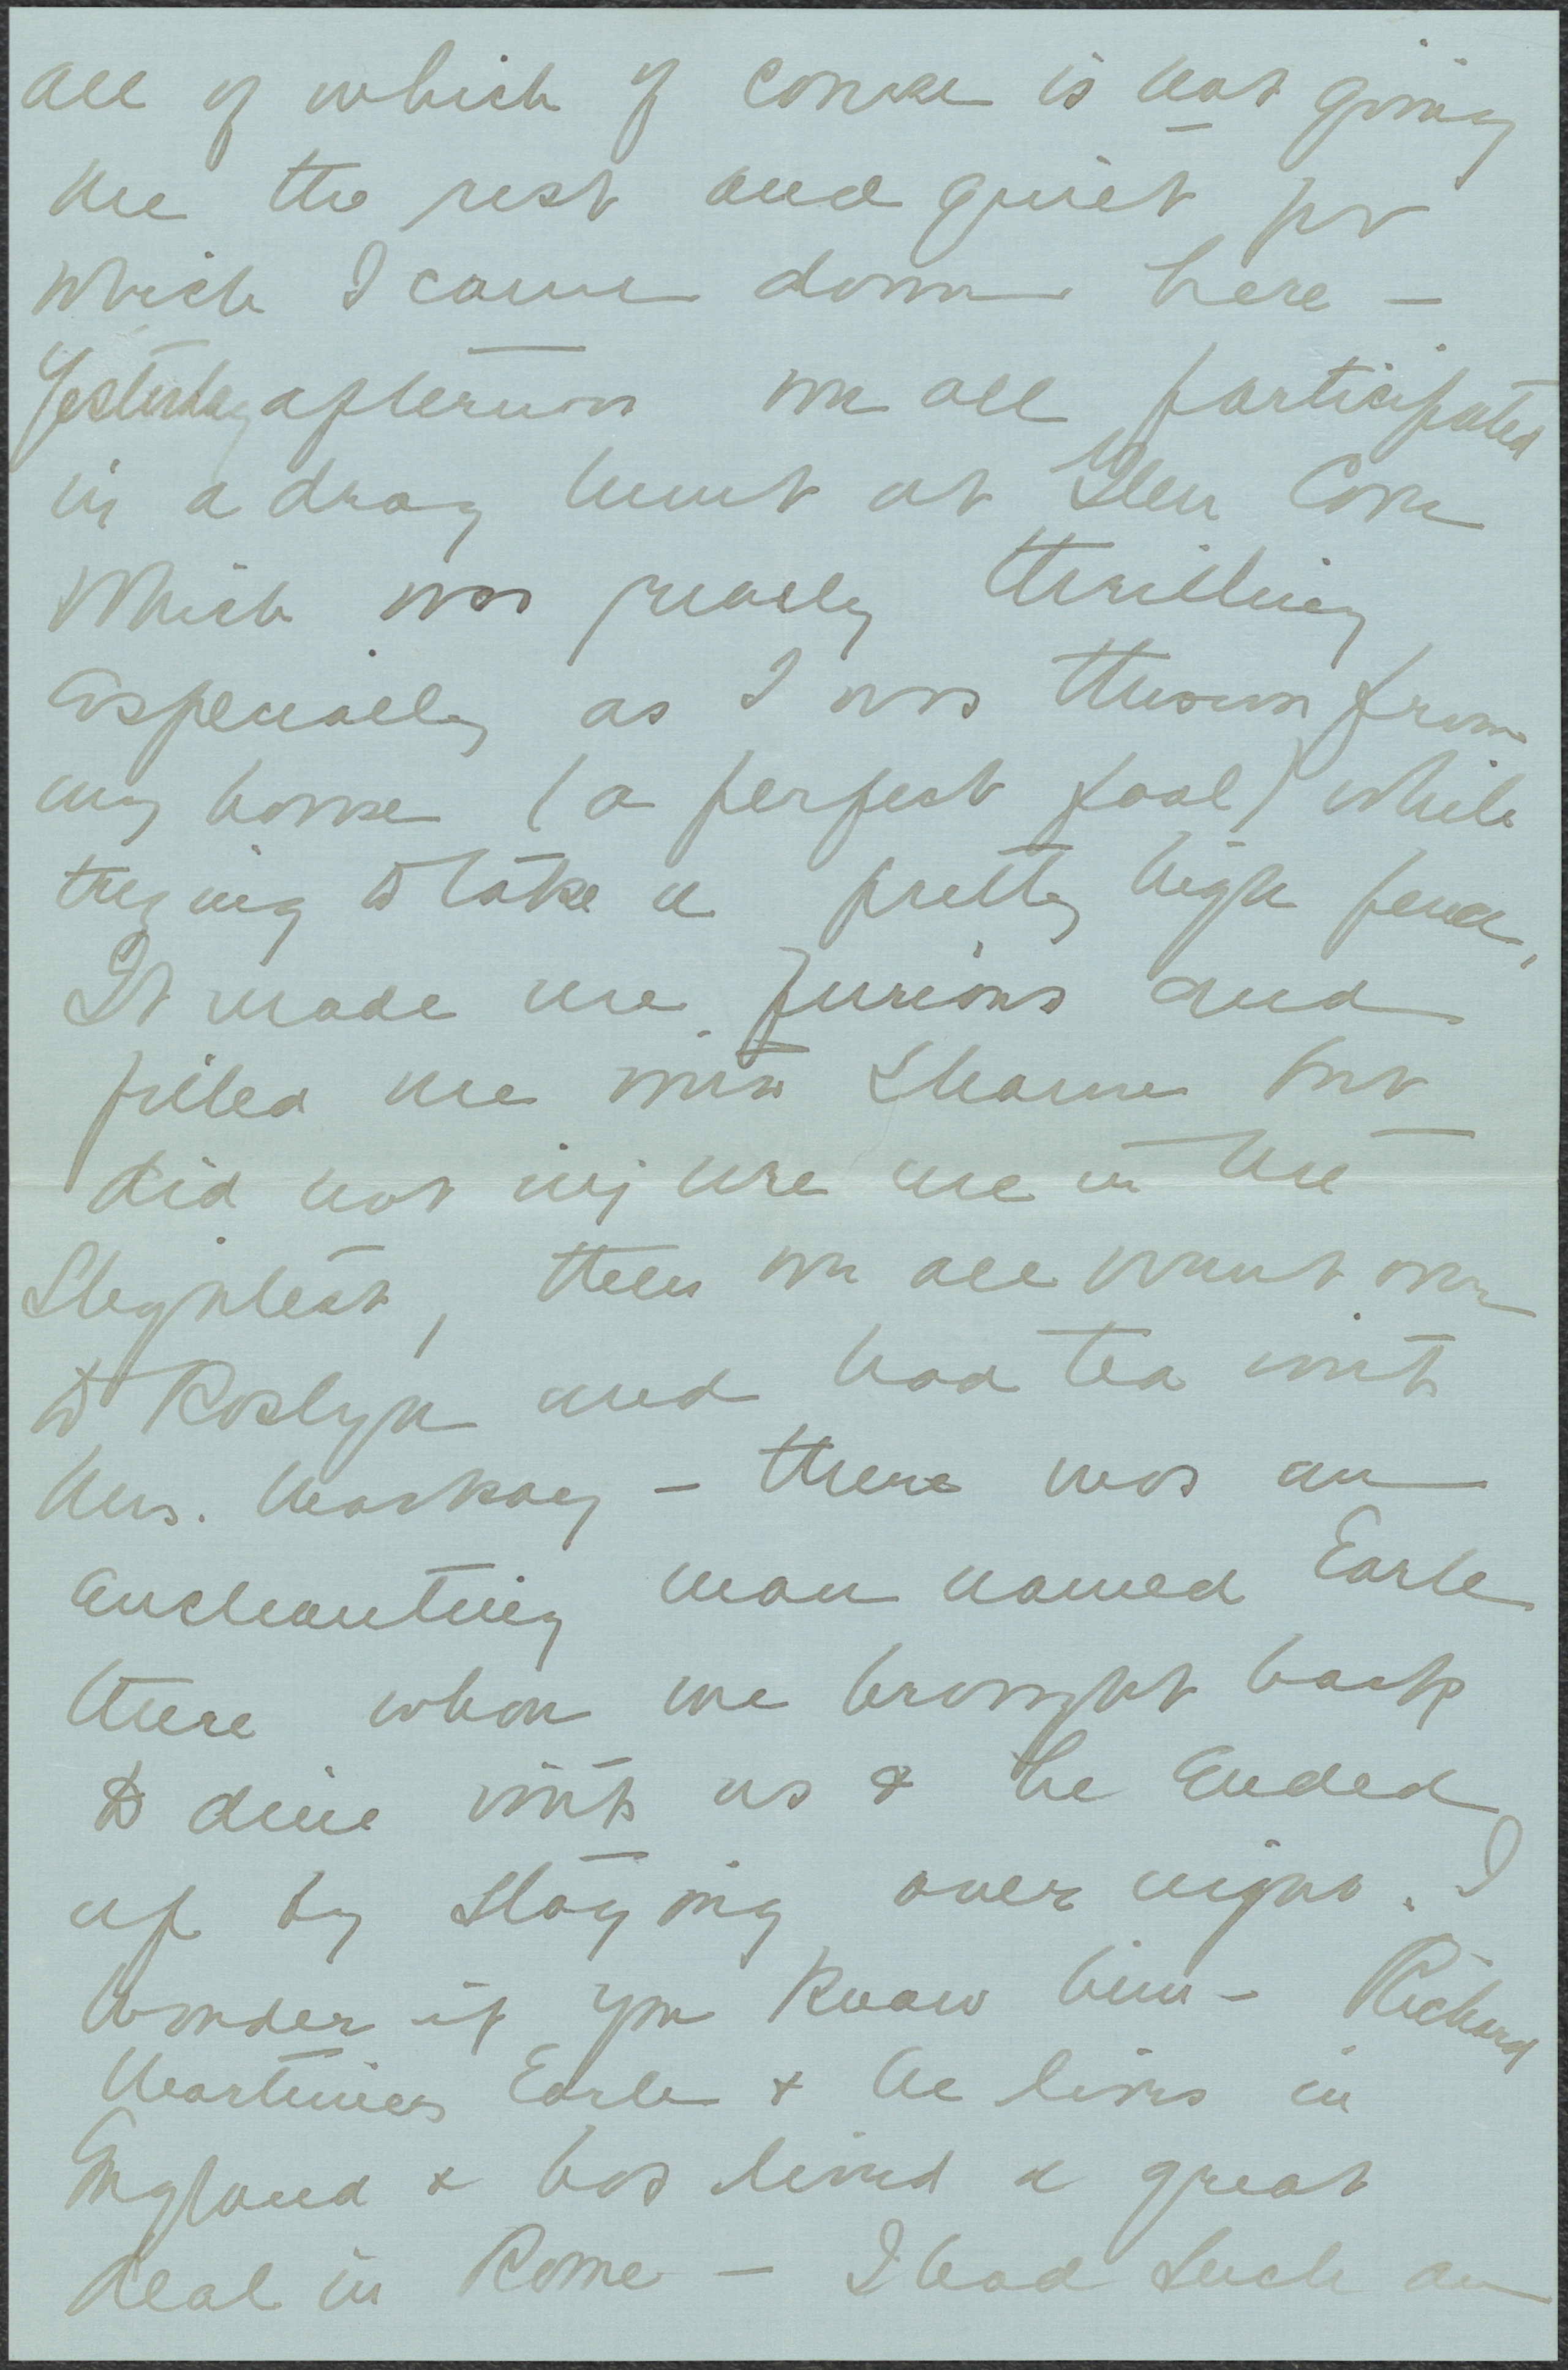all of which of course is not giving me the rest and quiet for which I came down here – Yesterday afternoon we all participated in a drag hunt at Glen Cove which was really thrilling especially as I was thrown from my horse (a perfect foal) while trying to take a pretty high fence, It made me furious and filled me with shame but did not injure me in the slightest, then we all went over to Roslyn and had tea with Mrs. Mackay – there was an enchanting man named Earle there whom we brought back to dine with us & he ended up by staying over night. I wonder if you know him – Richard Mortimer Earle & he lives in England & has lived a great deal in Rome – I had such an